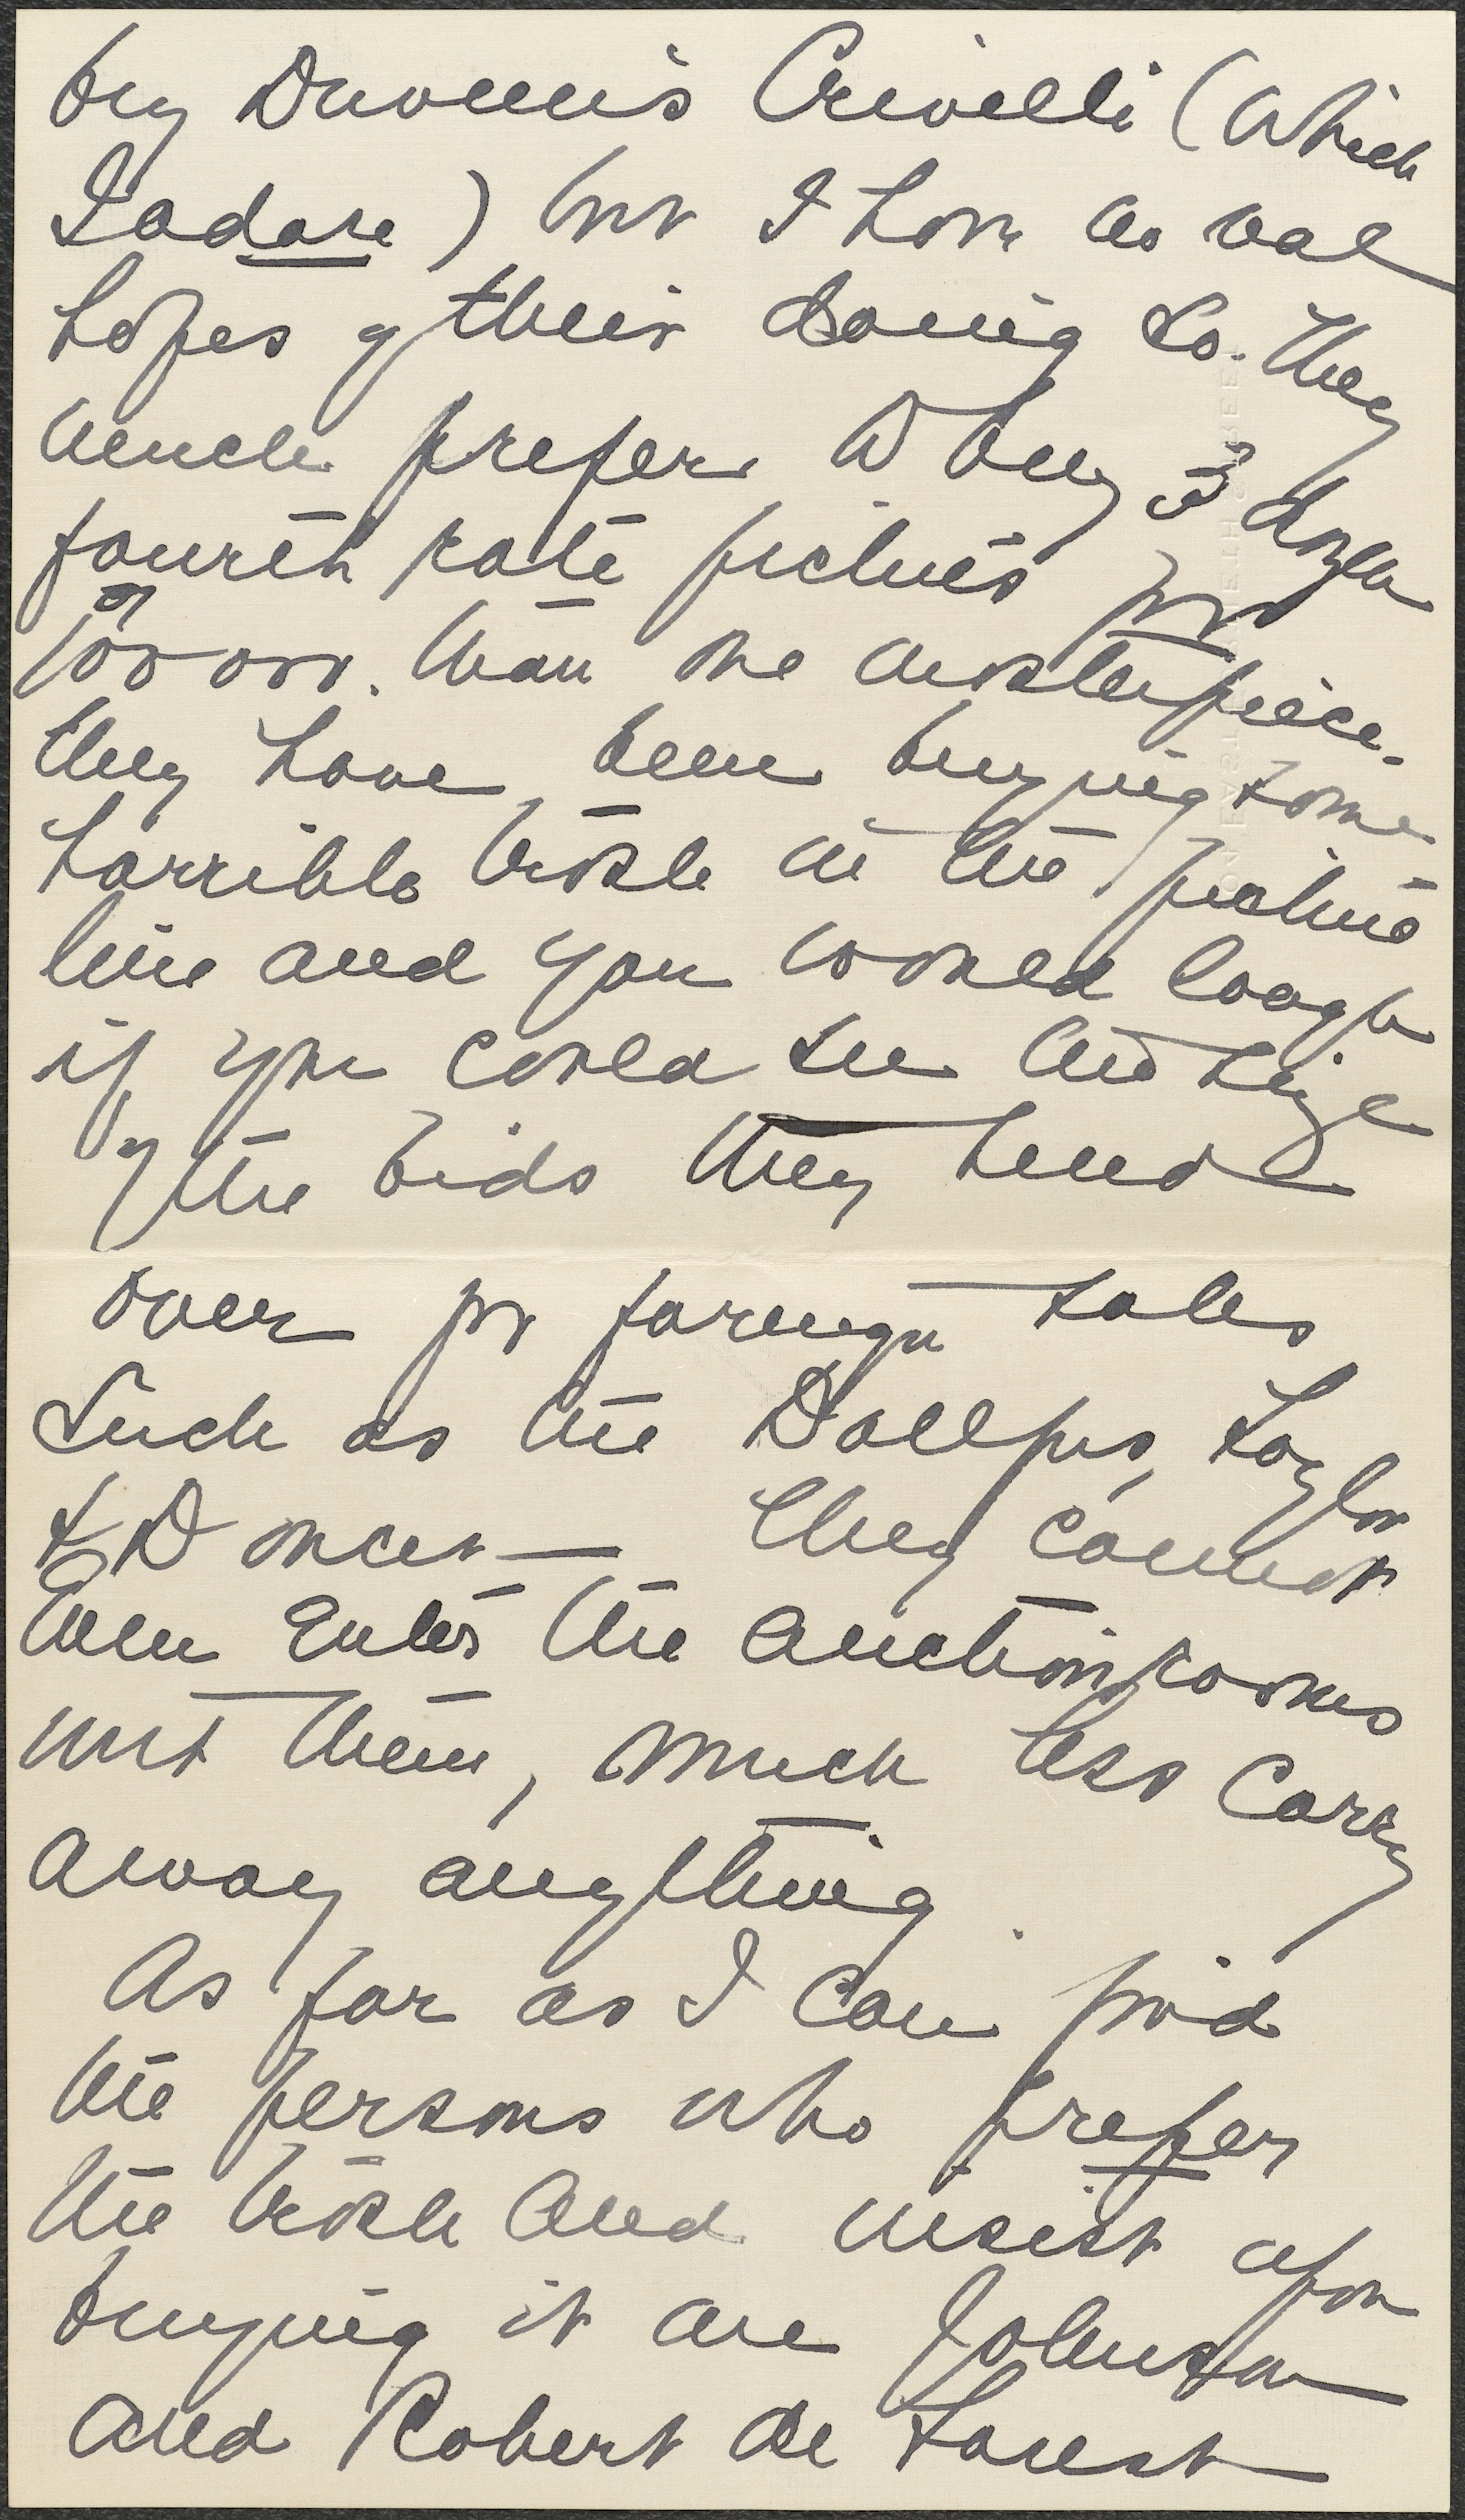buy Duveen’s Crivelli (which I adore) but I have no real hopes of their doing so. They much prefer to buy 3 dozen fourth rate pictures for [ˆ$ˆ]100,000. than one masterpiece – They have been buying some horrible trash in the picture line and you would laugh if you could see the size of the bids they send over for foreign sales such as the Dallpus, Taylor & Doncet – They cannot even enter the auction rooms with them, much less carry away anything.
As far as I can find the persons who prefer the trash and visit upon buying it are Johnson and Robert de Forest